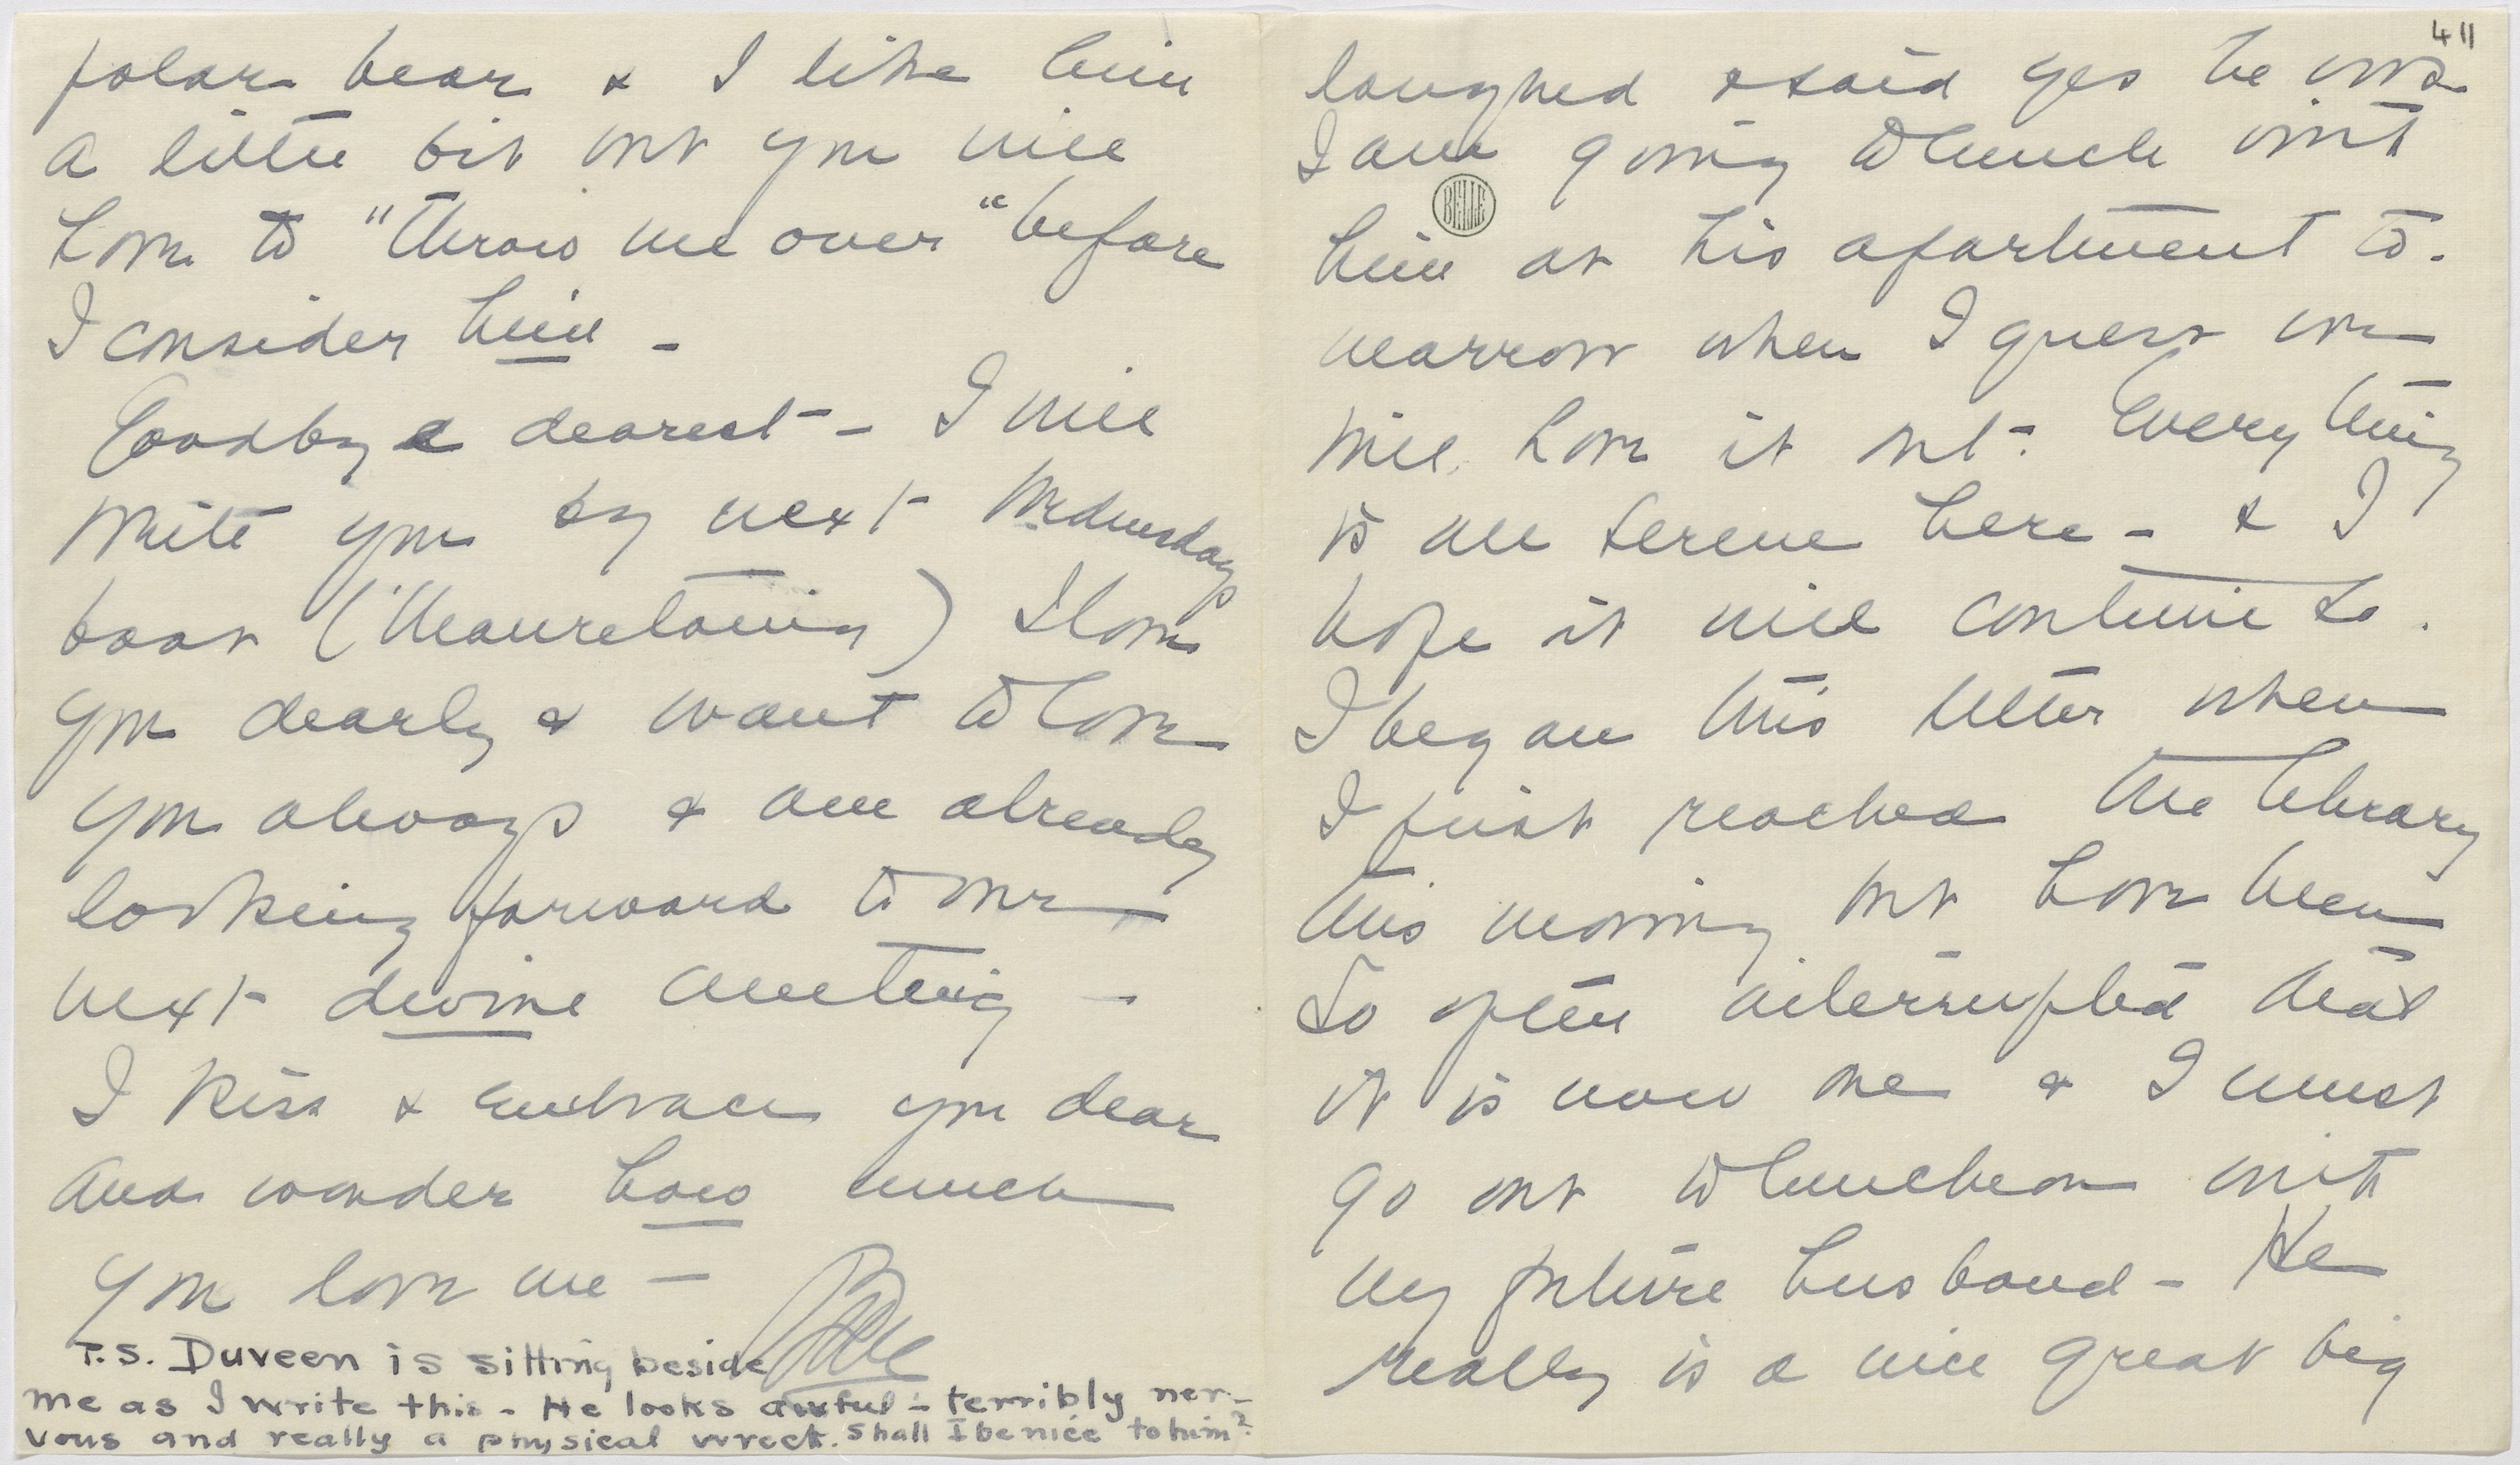laughed & said yes he was I am going to lunch with him at his apartment tomorrow when I guess we will have it out. Every thing is all serene here – & I hope it will continue so. I began this letter when I first reached the Library this morning but have been so often interrupted that it is now one & I must go out to luncheon with my future husband – He really is a nice great big
polar bear & I like him a little bit but you will have to “throw me over” before I consider him – Goodbye dearest – I will write you by next Wednesdays boat (Mauretania) I love you dearly & want to love you always & am already looking forward to our next divine meeting –
I kiss & embrace you dear and wonder how much you love me – Belle
[in secretarial script: P.S. Duveen is sitting beside me as I write this – He looks awful – terribly nervous and really a physical wreck. Shall I be nice to him?]